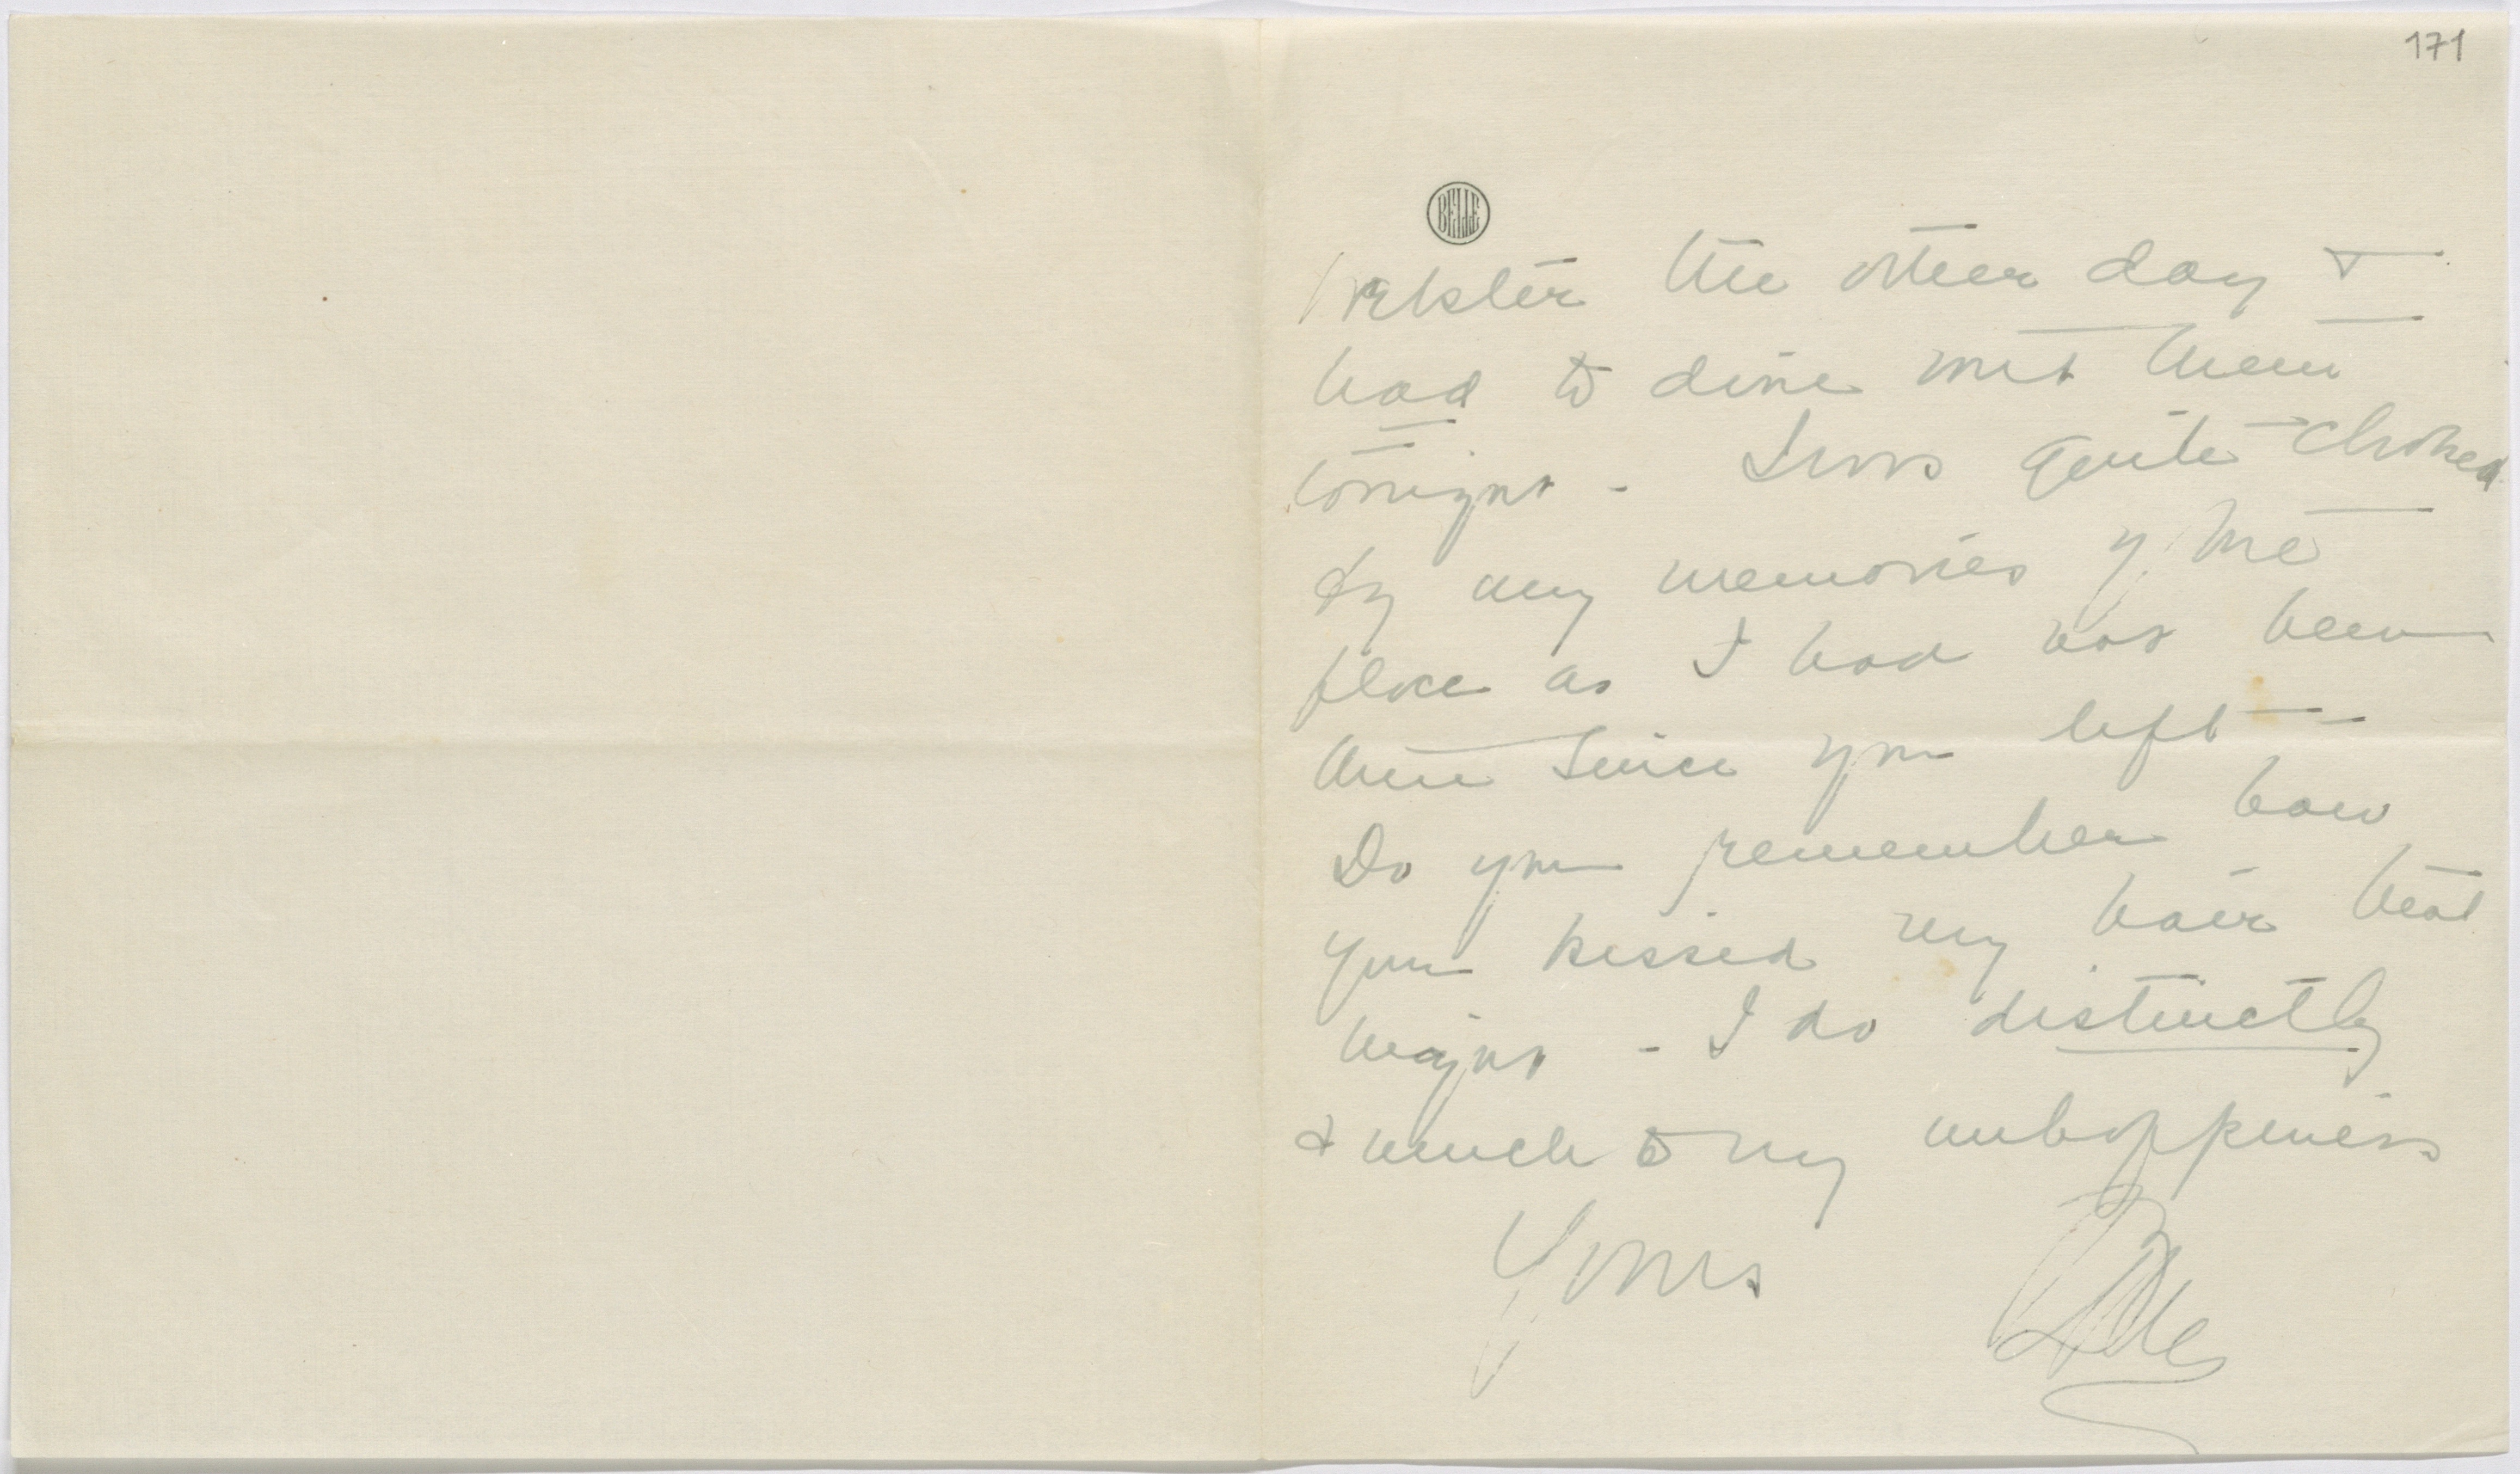Webster the other day & had to dine with them tonight – I was quite choked by my memories of the place as I had not been there since you left – Do you remember how you kissed my hair that night – I do distinctly & much to my unhappiness
Yours
Belle